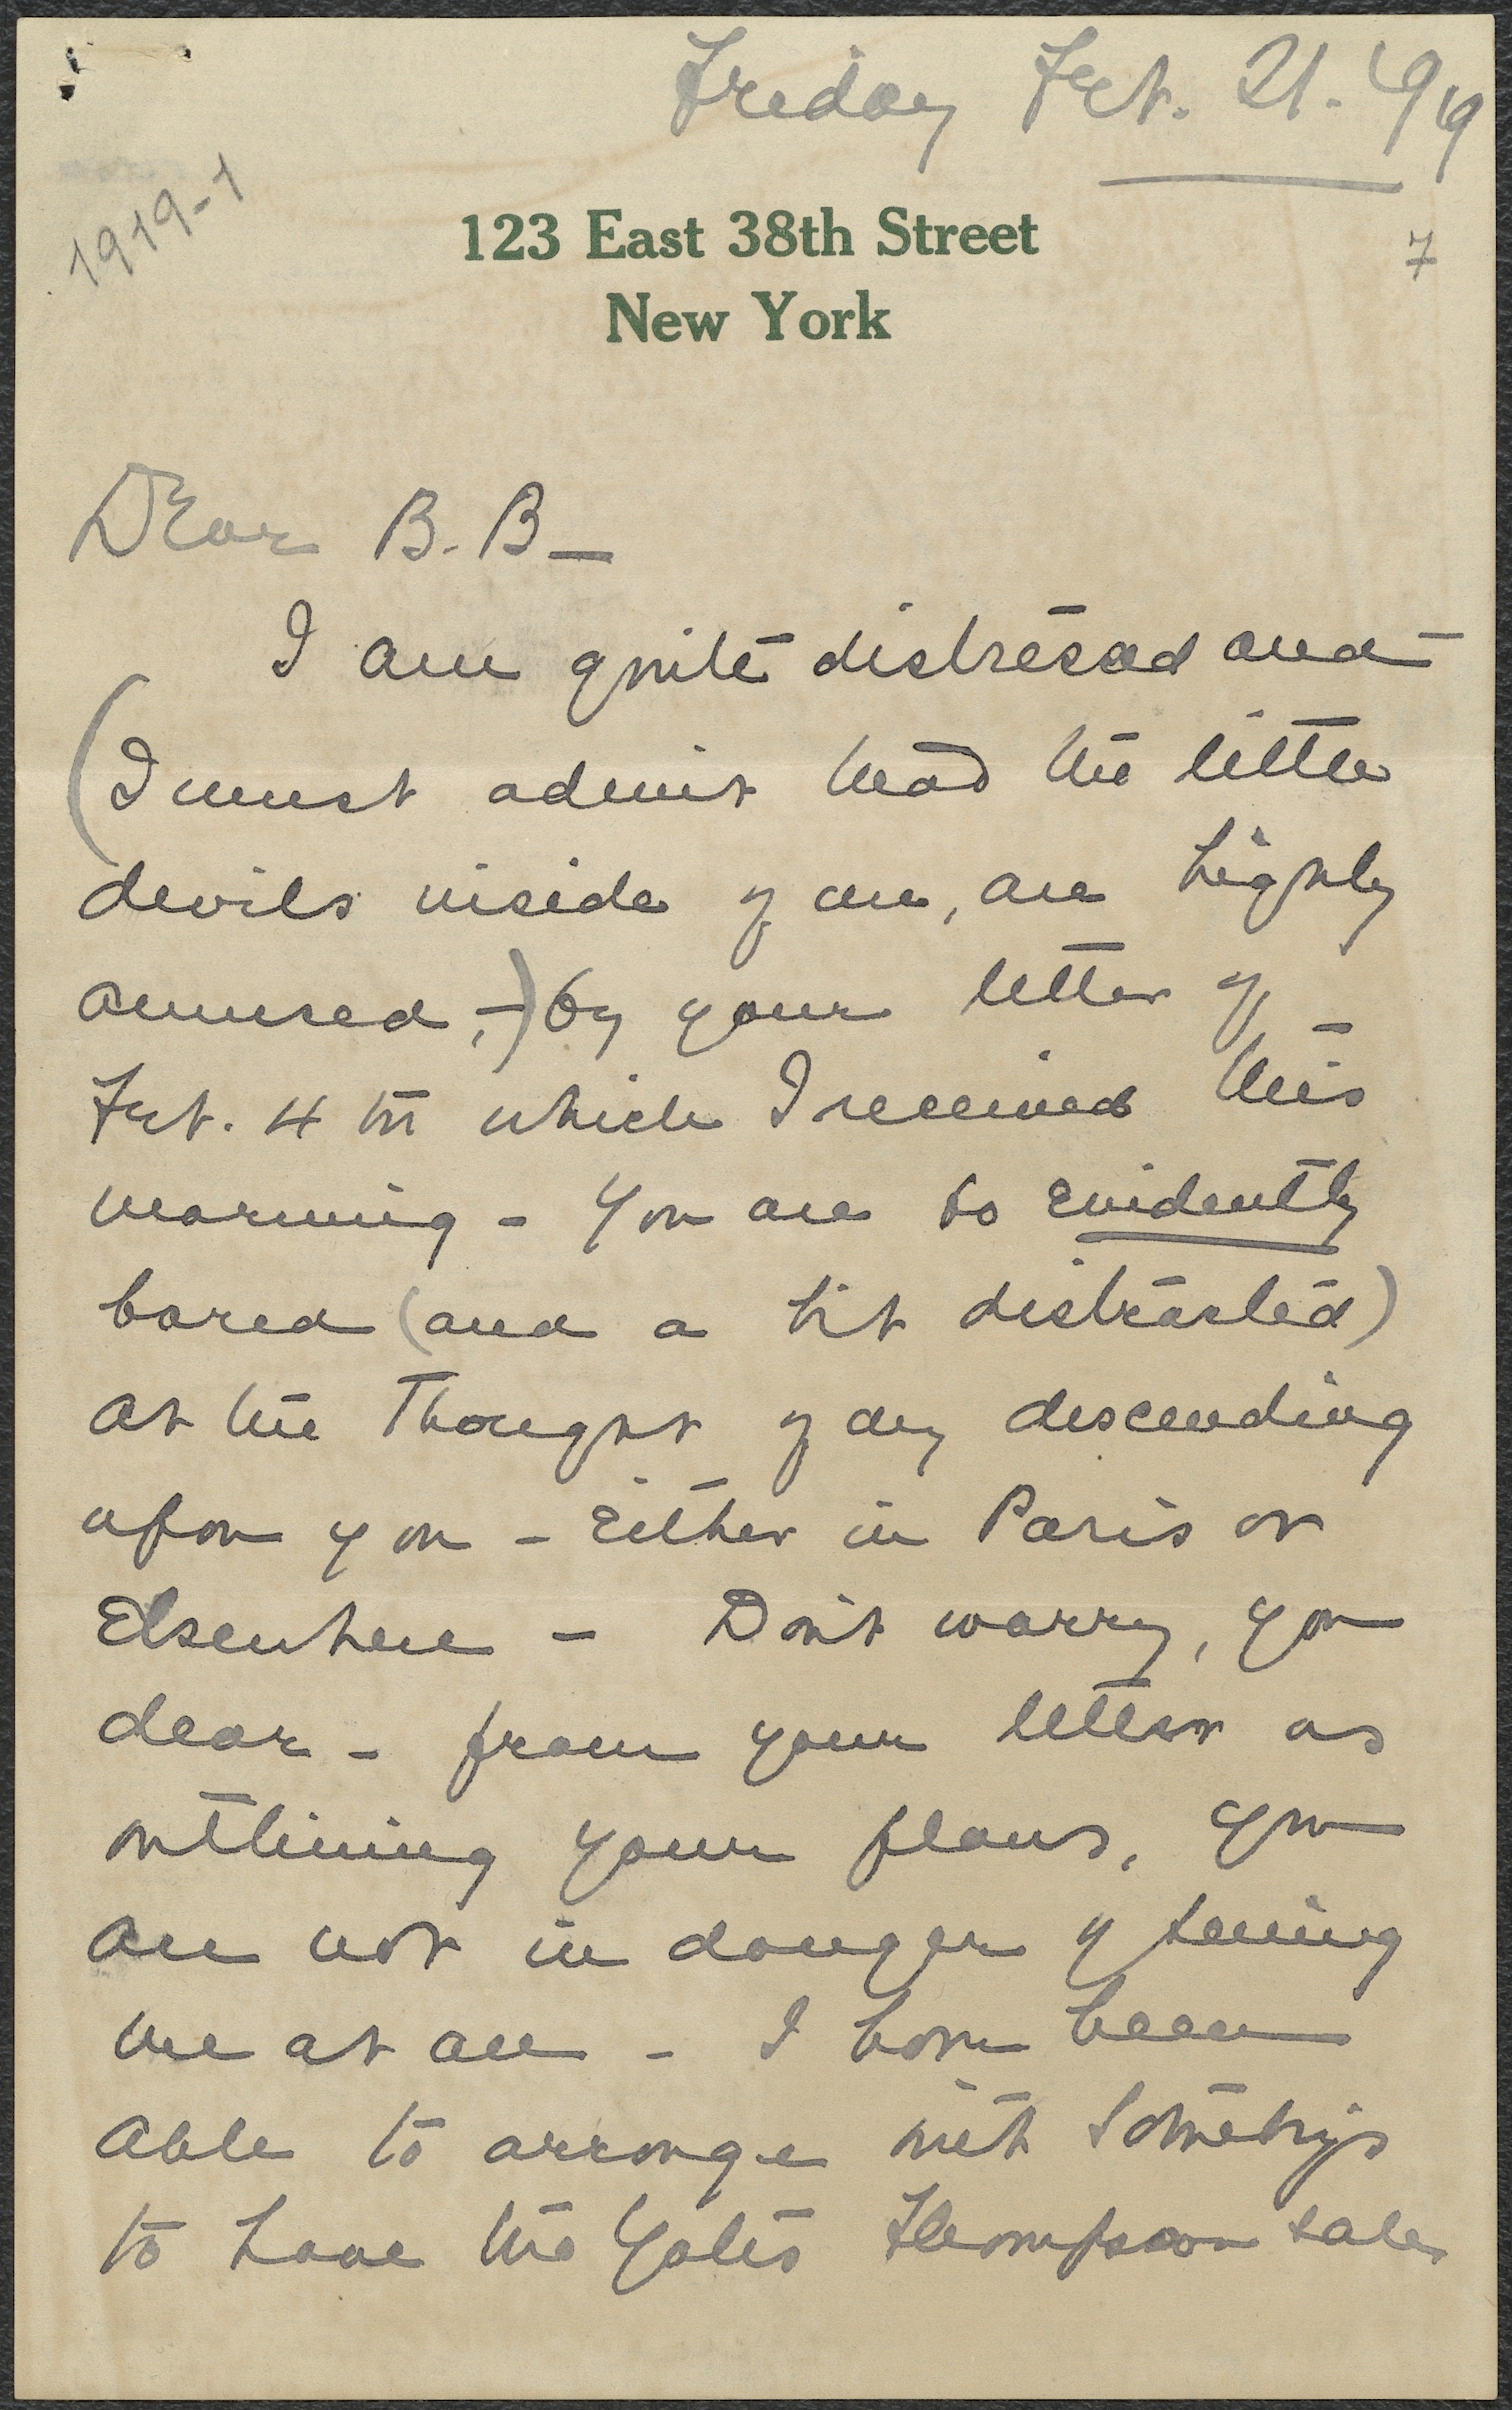Friday Feb. 21. 1919
Dear B.B –
I am quite distressed and – (I must admit that the little devils inside of me, are highly amused, – ) by your letter of Feb. 4th which I received this morning – You are so evidently bored (and a bit distracted) at the thought of my descending upon you – either in Paris or elsewhere – Don't worry, you dear – from your letter as outlining your flaws, you are not in danger of seeing me at all – I have been able to arrange with Sotheby's to have the Yates Thompson sale